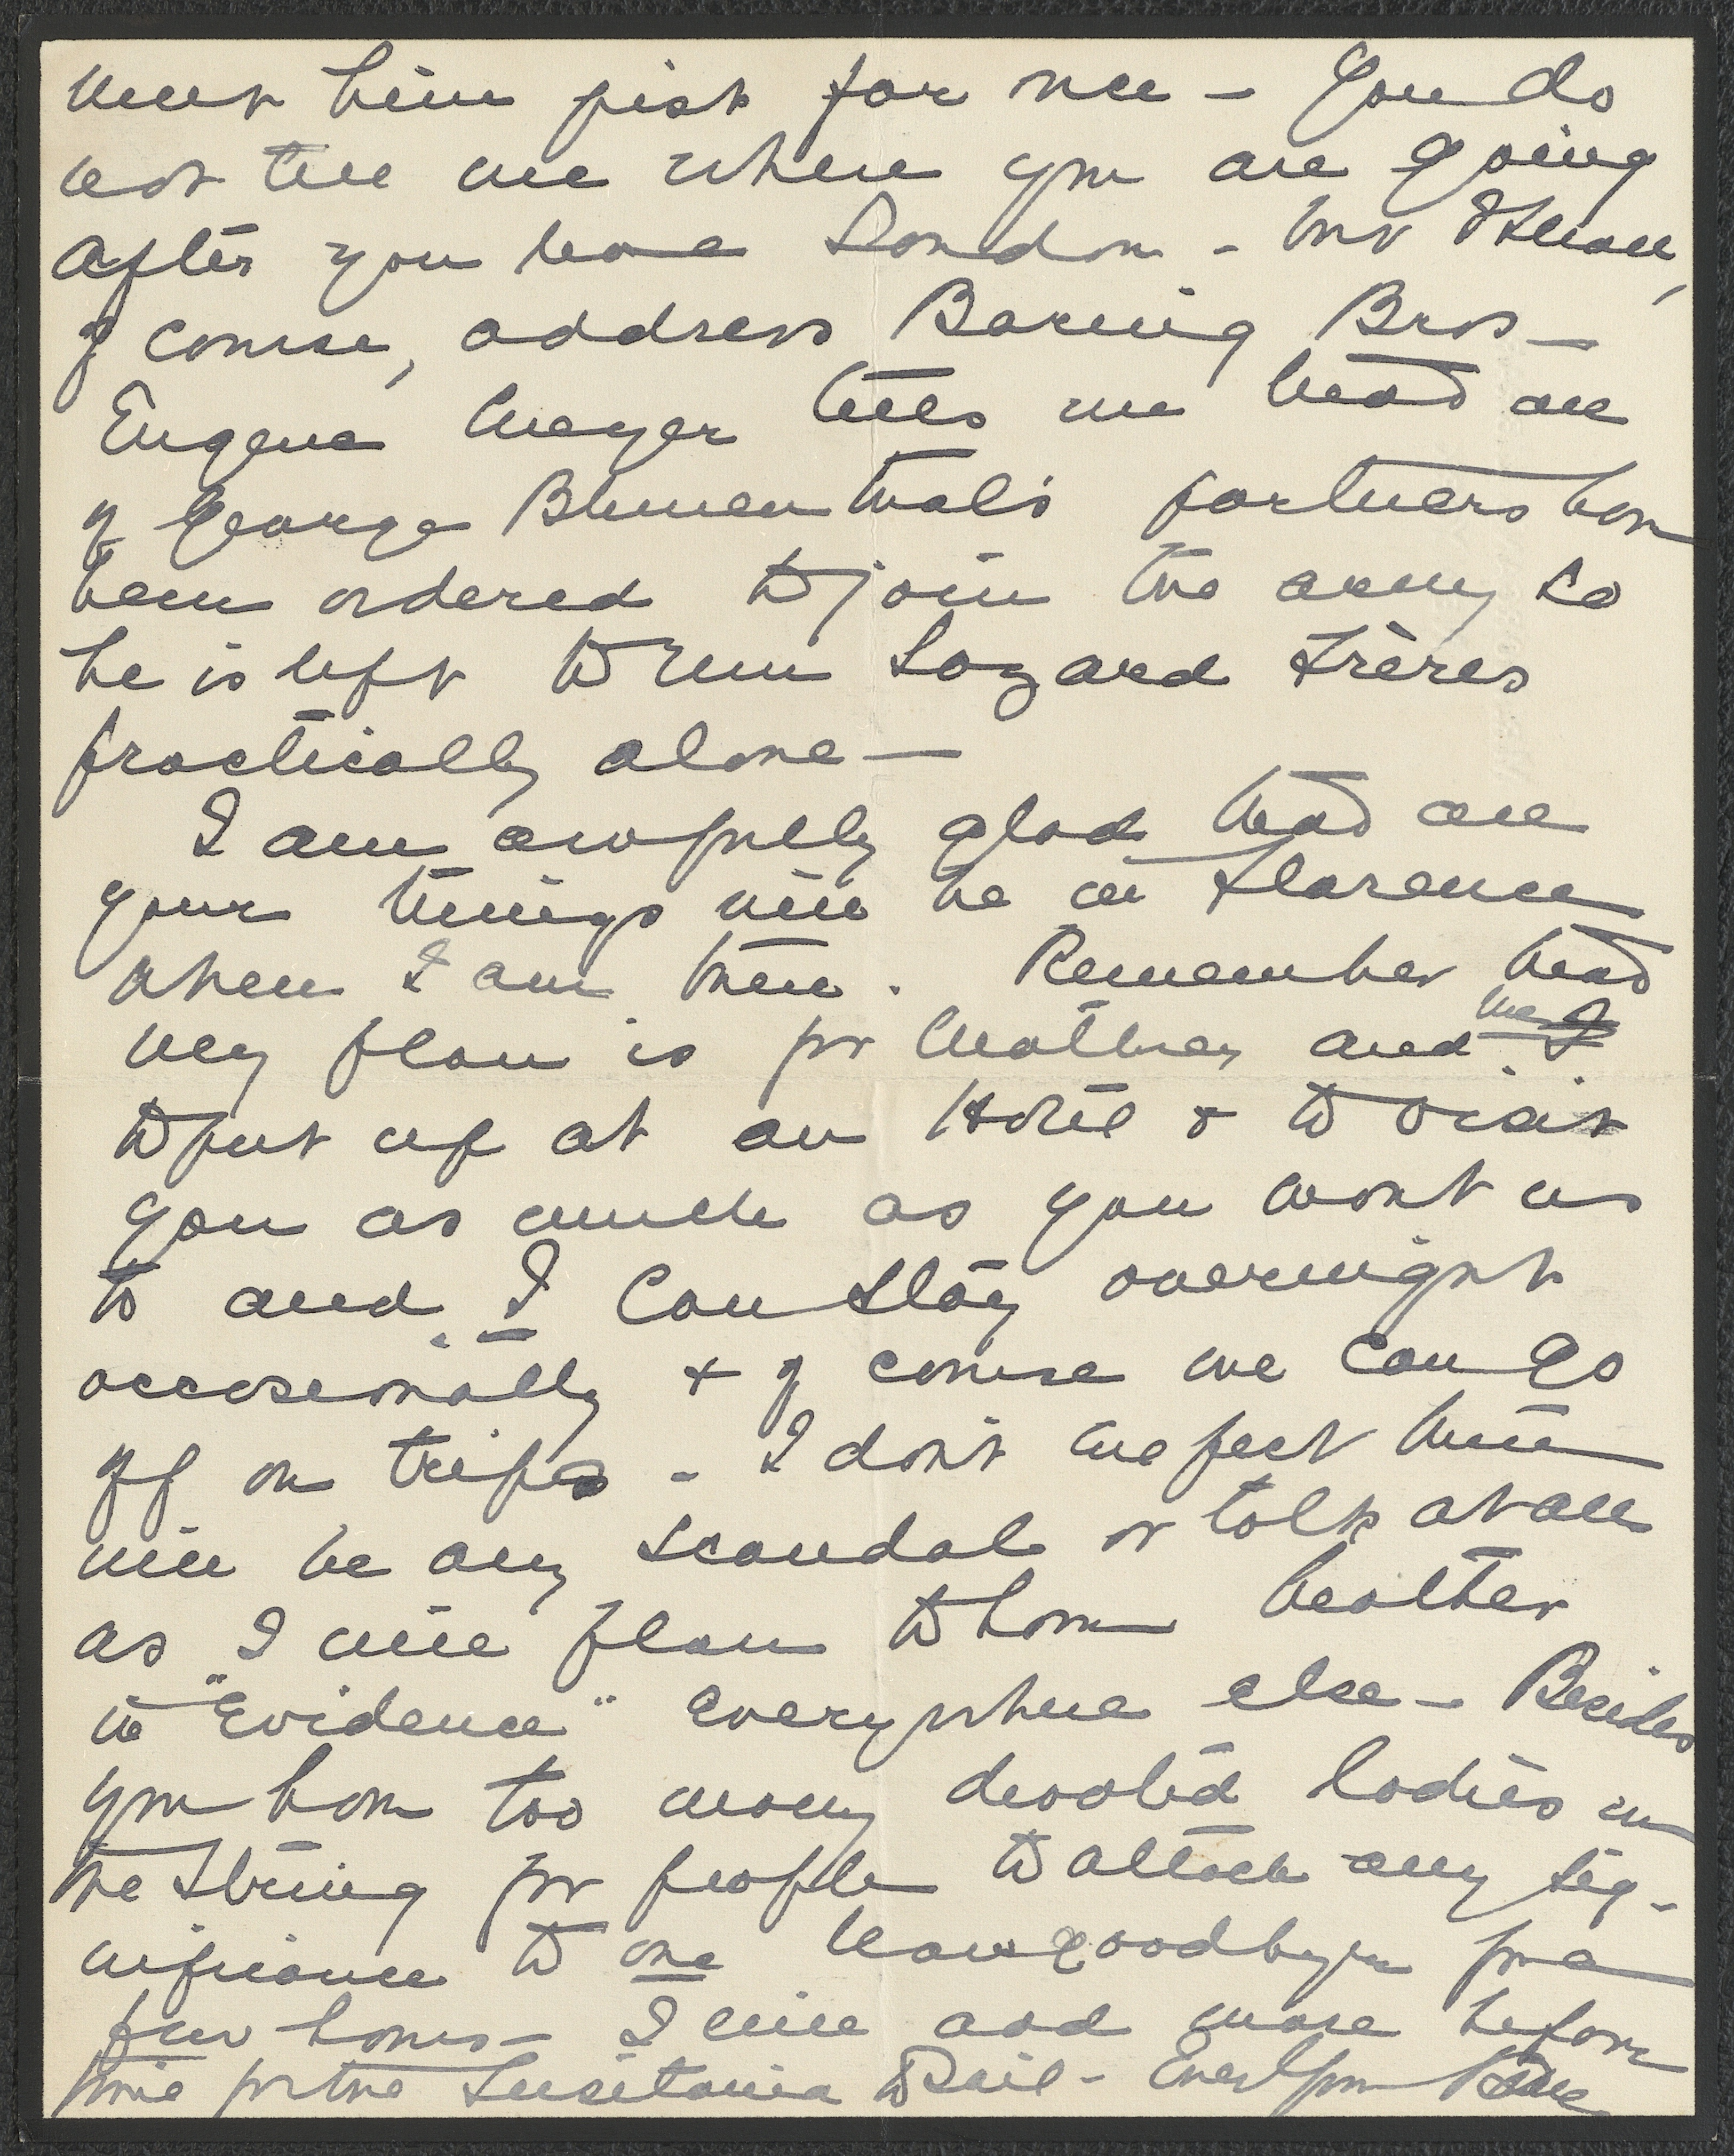meet him just for once – You do not tell me where you going after you leave London – but I shall, of course, address Baring Bros –
Eugene Meyer tells me that all of George Blumenthal’s partners have been ordered to join the army so he is left to run Lazard Frères practically alone –
I am awfully glad that all your things will be in Florence when I am there. Remember that my plan is for Mother and I [^me^] to put up at an Hotel & to visit you as much as you want us to and I could stay overnight occasionally & of course we can go off on trips – I don’t except there will be any scandal or talk at all as I will plan to have mother as “evidence” everywhere else – Besides you have too many devoted ladies on the string for people to attach any significance to one wave goodbye for a few hours – I will add more before time for the Lusitania to sail –
Ever Your Belle